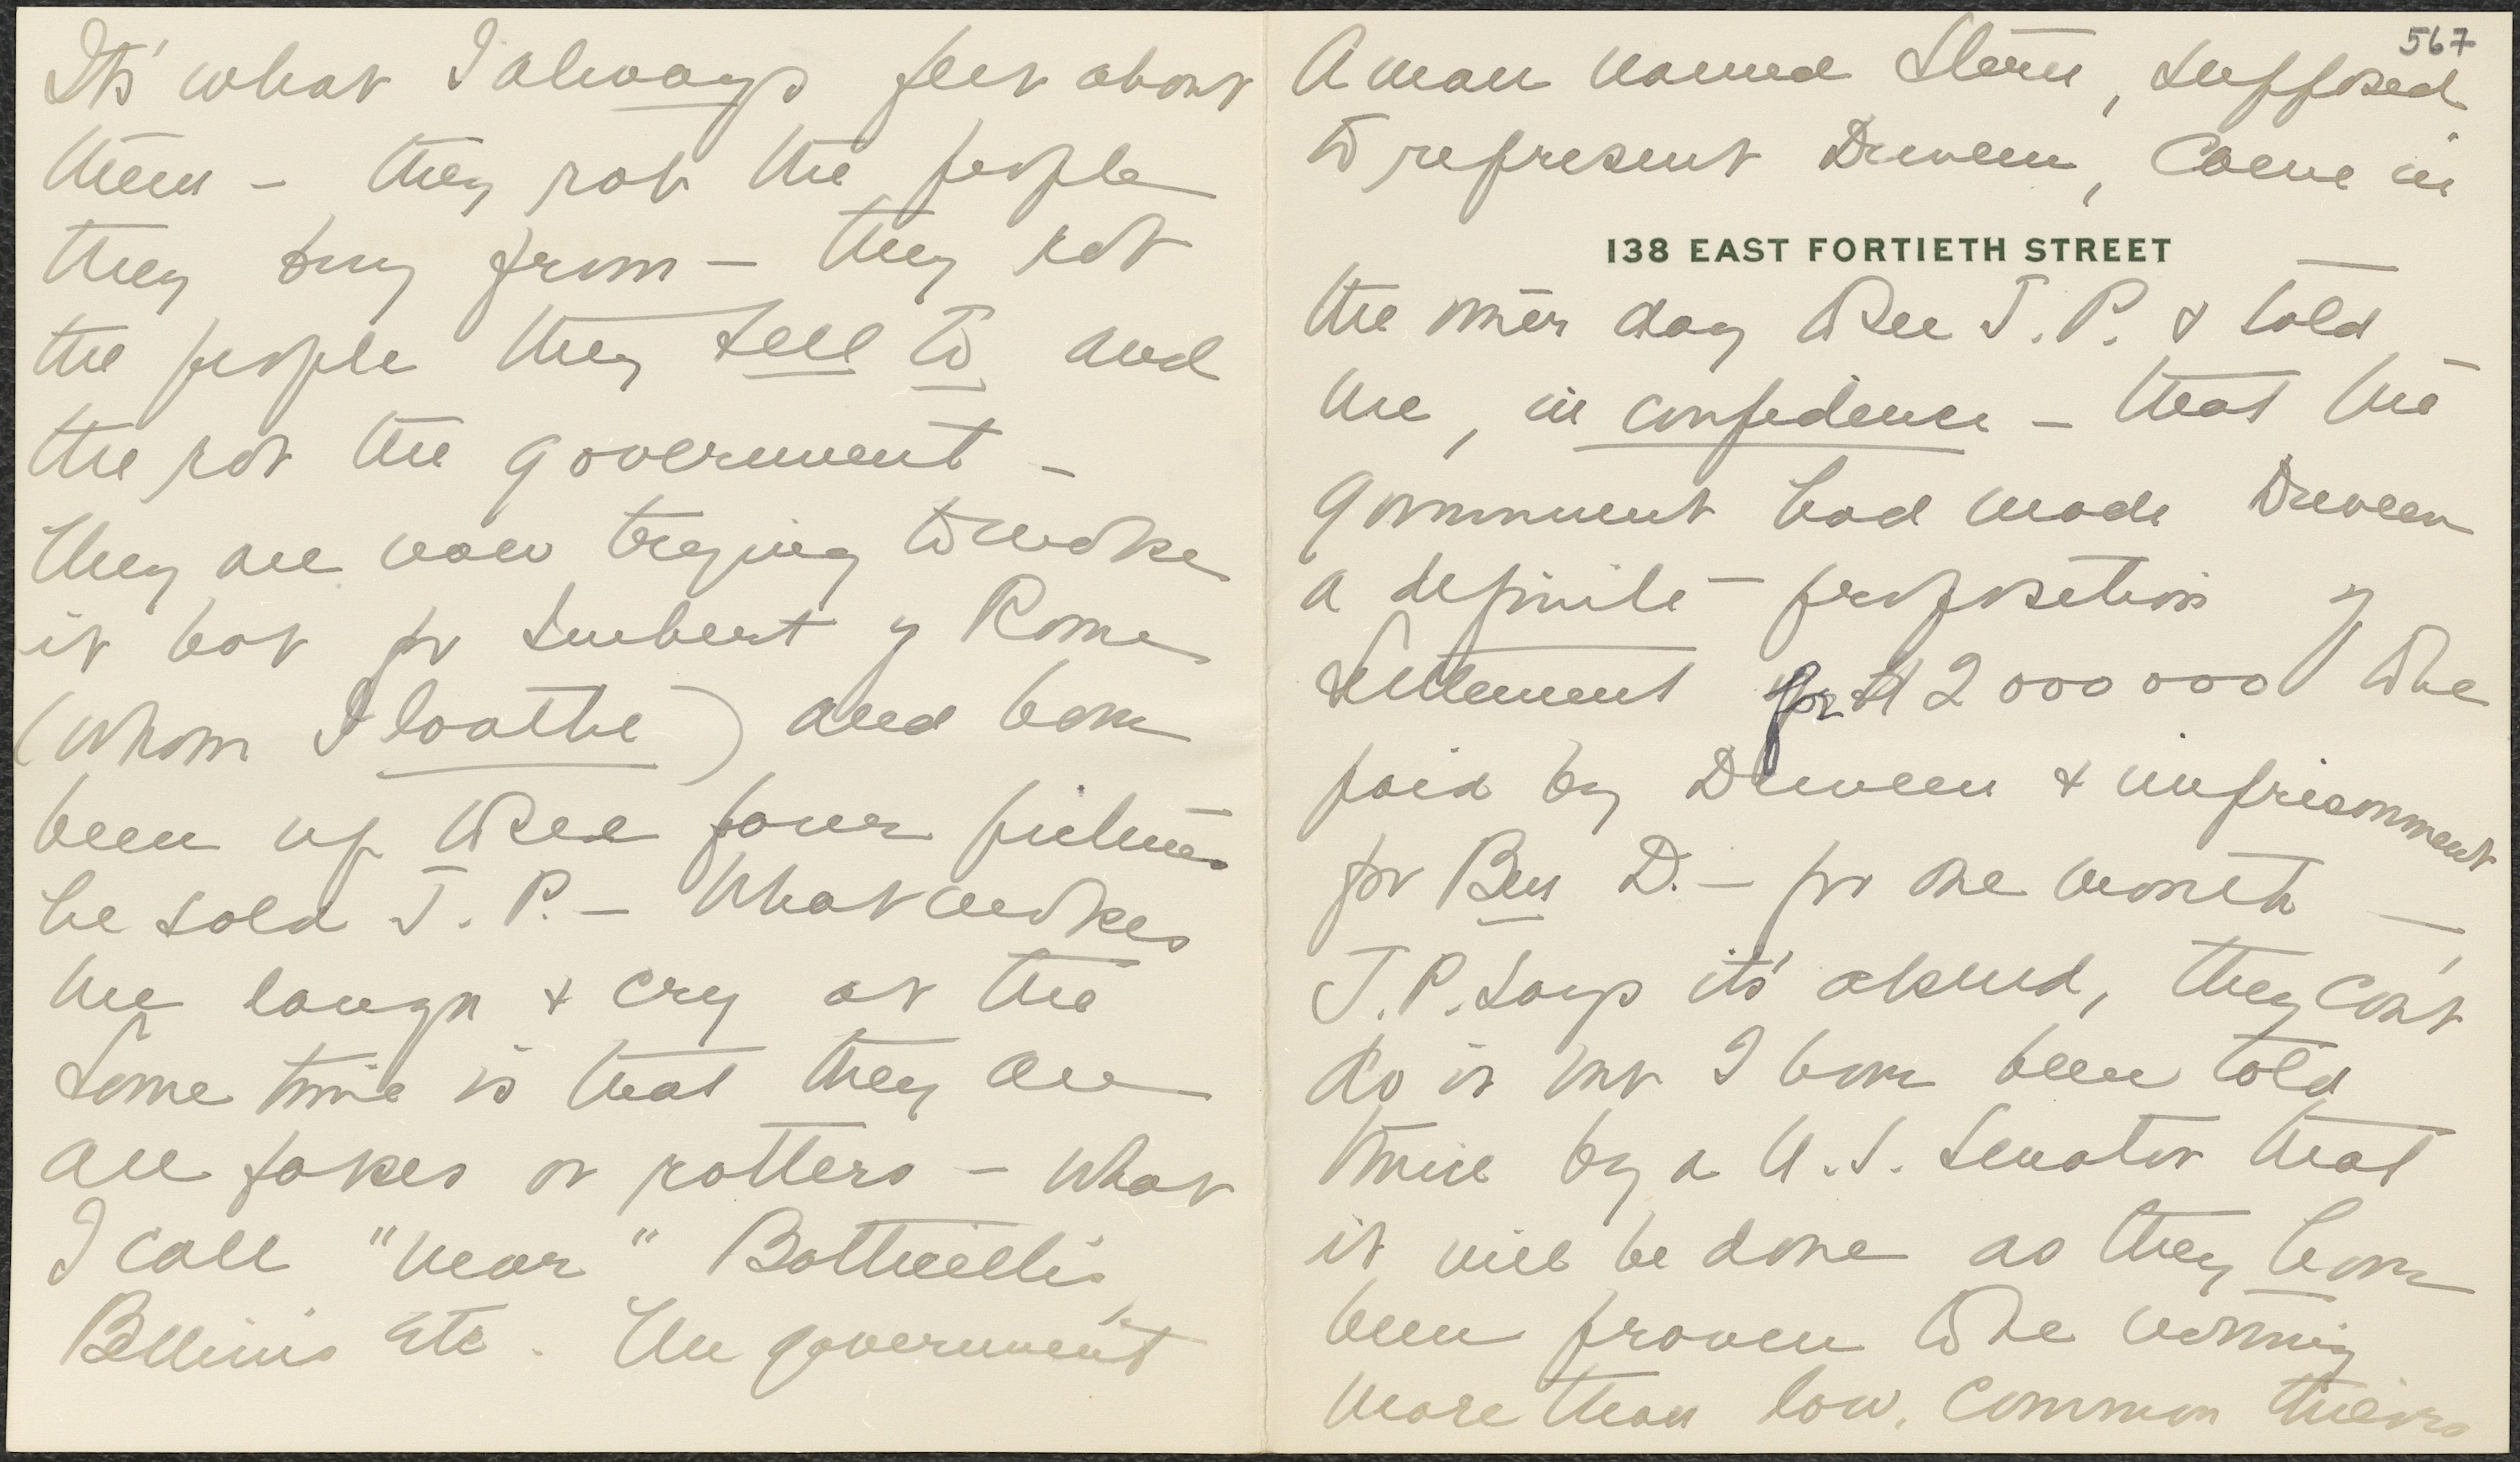A man named Stern, supposed to represent Duveen, came in the other day to see J.P. & told me, in confidence – that the government had made Duveen a definite proposition of Settlement of for $2,000,000 to be paid by Duveen & imprisonment for Ben D. – for one month – J. P. says it’s absurd, they can’t do it but I have been told twice by a U.S. Senator that it will be done as they have been proven to be nothing more than low, common thieves
It’s what I always felt about them – they rob the people they buy from – they rob the people they sell to and the [sic] rob the government – They are now trying to make it hot for Imbert of Rome (whom I loathe) and have been up to see four pictures he sold J.P. – What makes me laugh & cry at the same time is that they are all fakes or rotters – What I call “near” Botticellis, Bellinis etc. The government